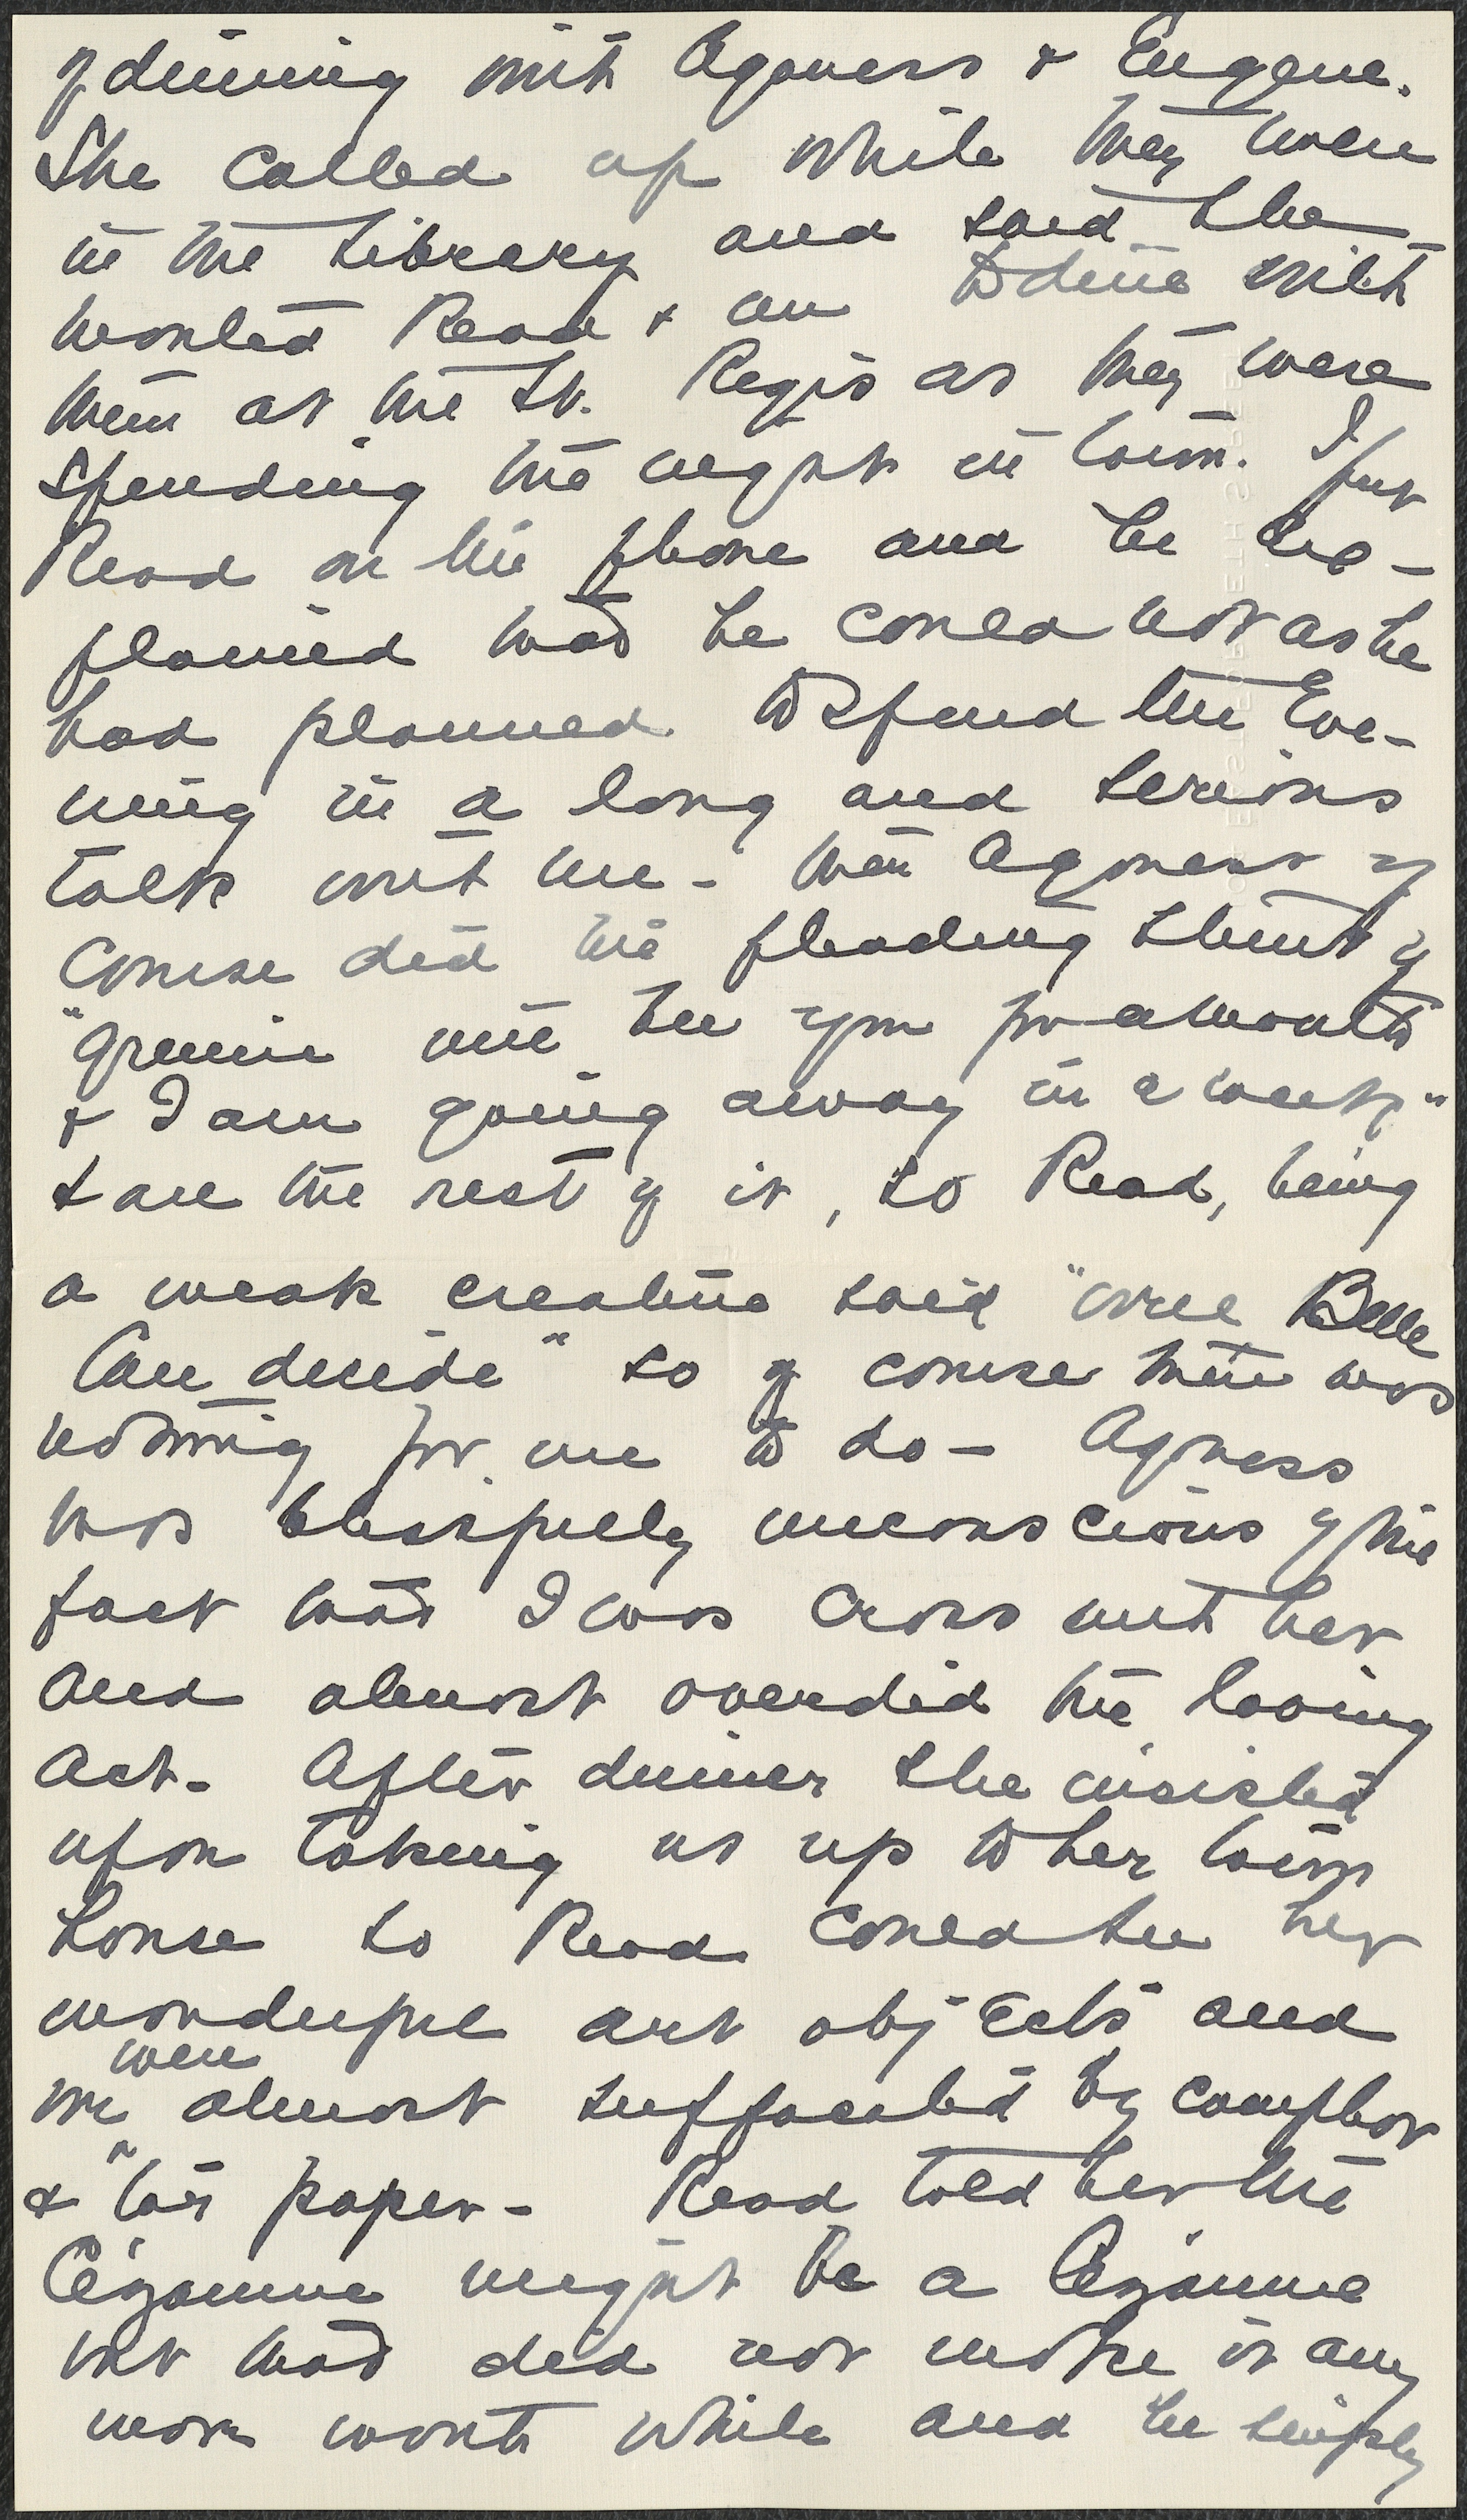of dining with Agoness & Eugene. She called up while they were in the Library and said she wanted Read & me to dine with them at the St. Regis as they were spending the night in town. I put Read on the phone and he explained that he could not as he had planned to spend the evening in a long and serious talk with me – then Agoness of course did the pleading stunt of "Greenie will see you for a month & I am going away in a week" & all the rest of it, so Read, being a weak creature said "Well Belle can decide" so of course there was nothing for me to do – Agoness was blissfully unconscious of the fact that I was cross with her and almost overdid the loving act – After dinner she insisted upon taking us up to her town house so Read could see her wonderful art objects and we [^were^] almost suffocated by camphor & tar paper – Read told her the Cézanne might be a Cézanne but that did not make it any more worth while and he simply